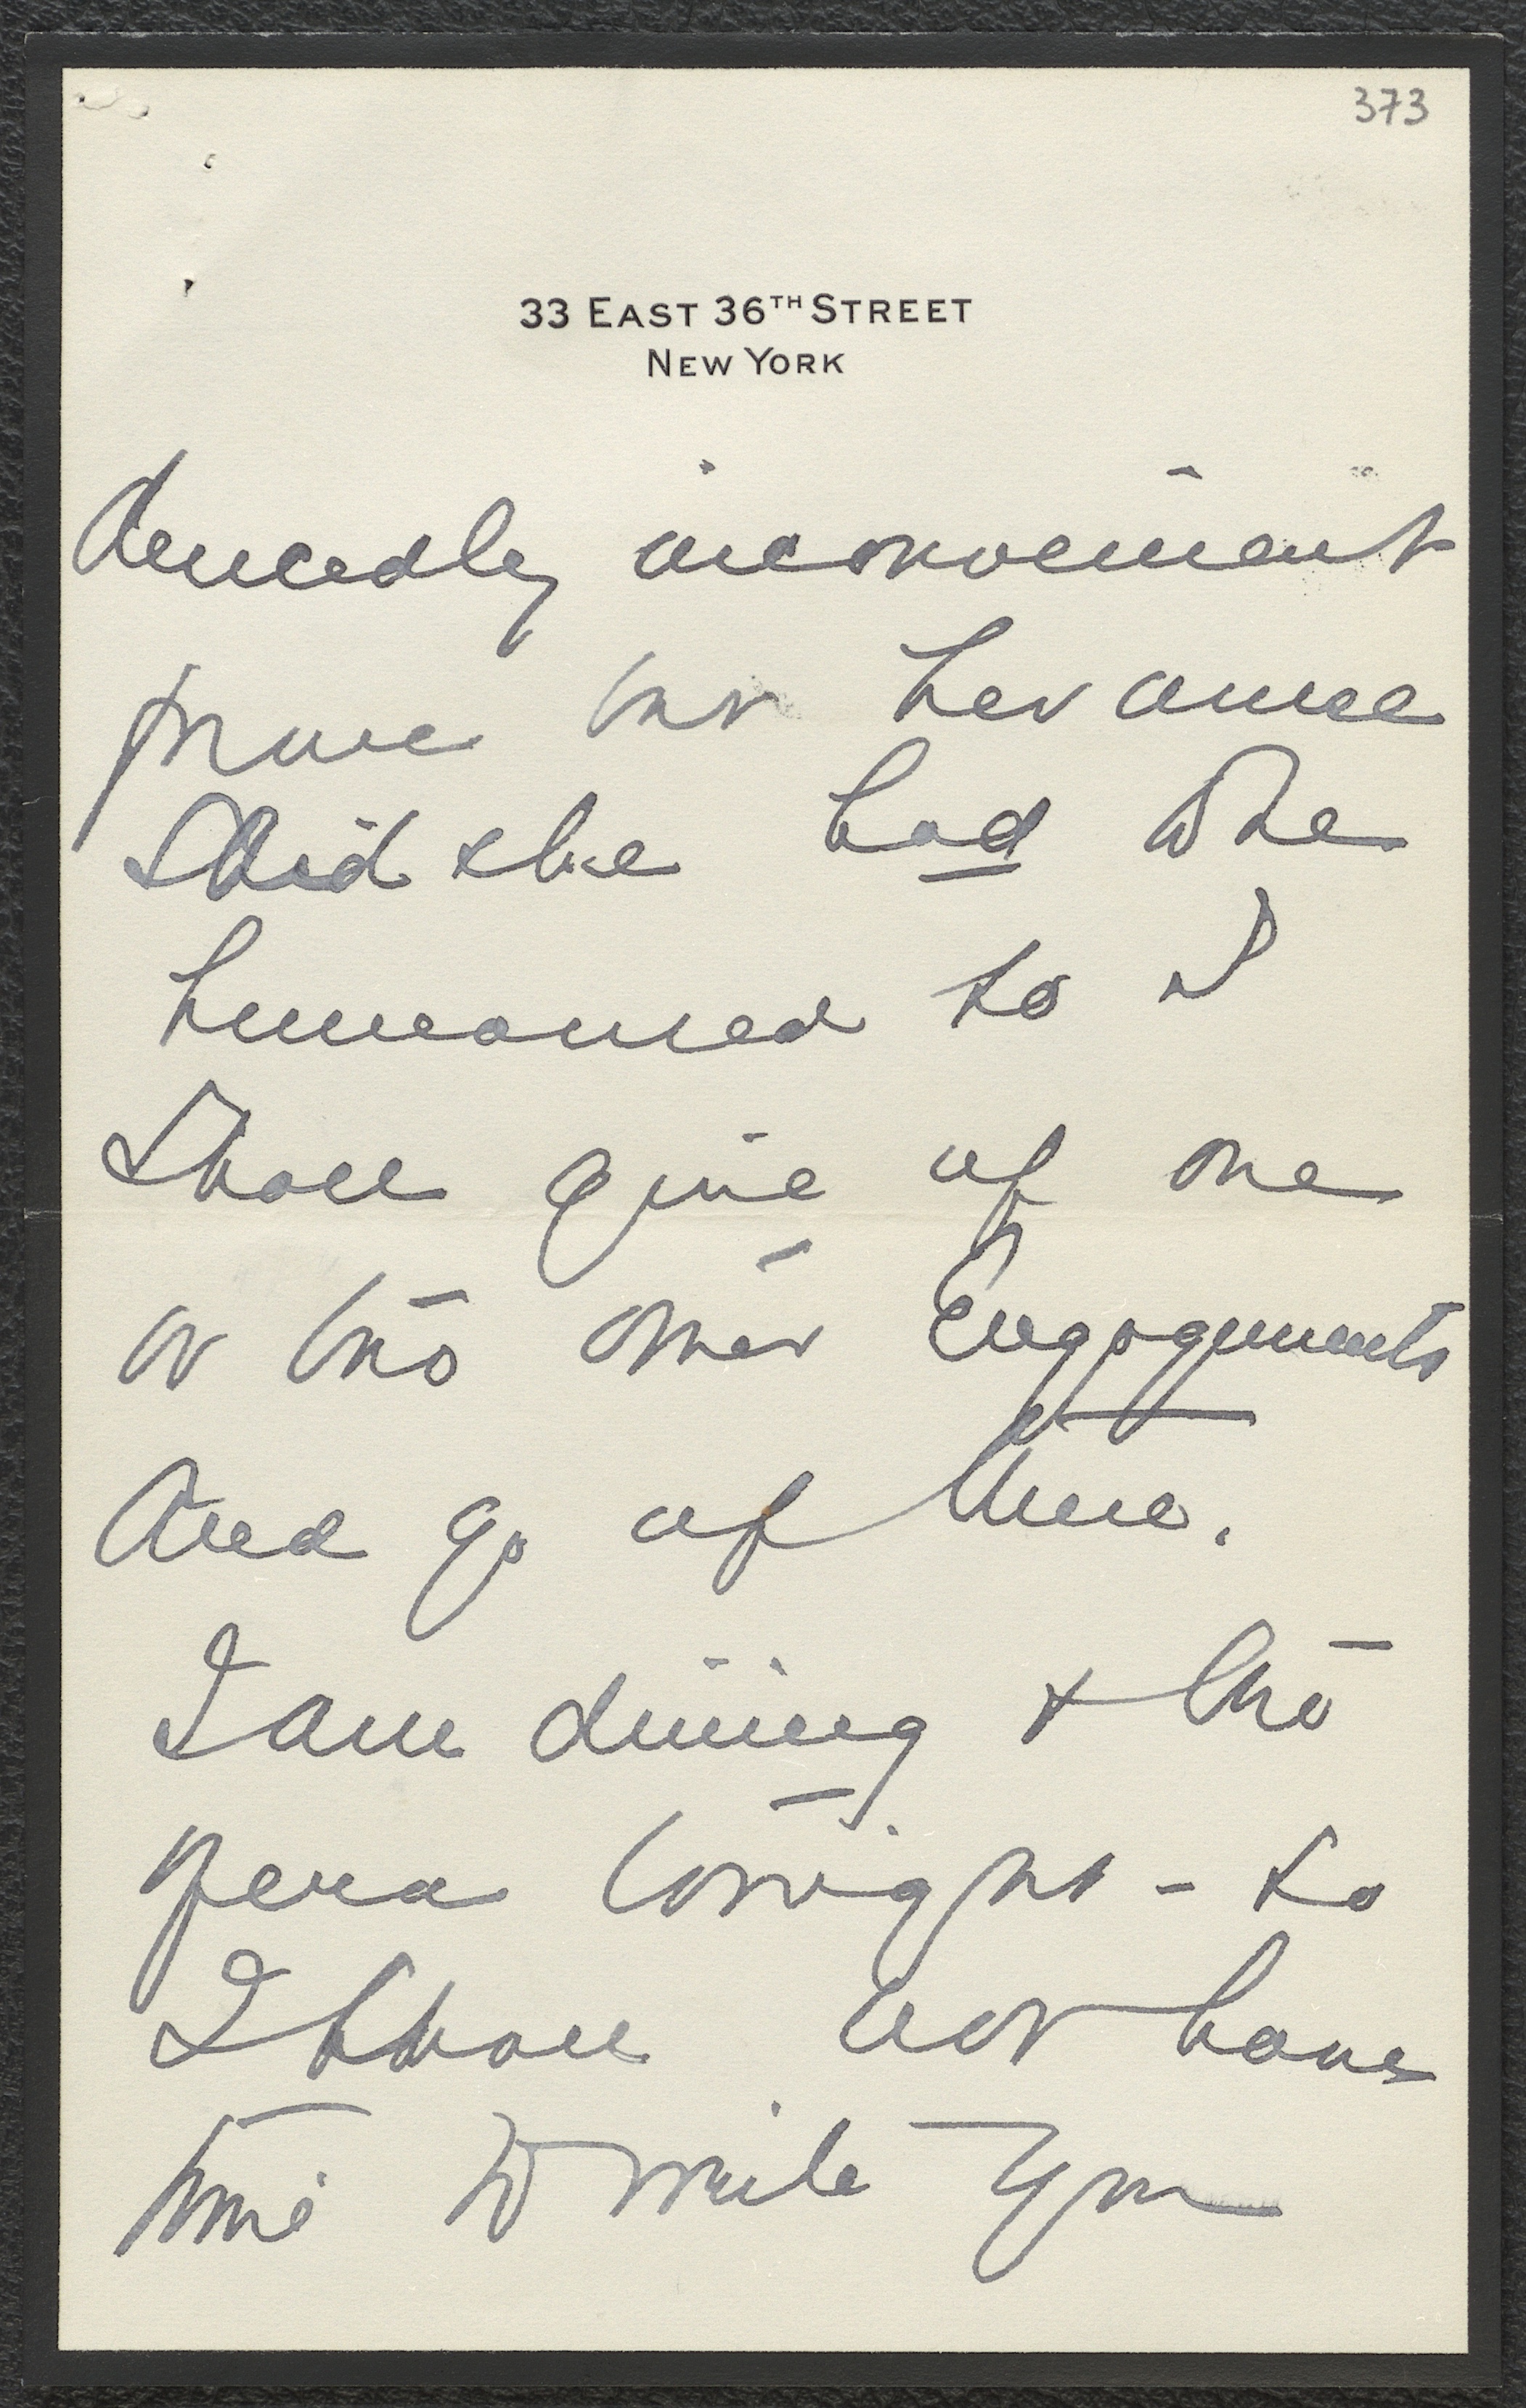deucedly inconvenient for me but her nurse said she had to be humoured so I shall give up one or two other engagements and go up there.
I am dining & the opera tonight – so I shall not have time to write you